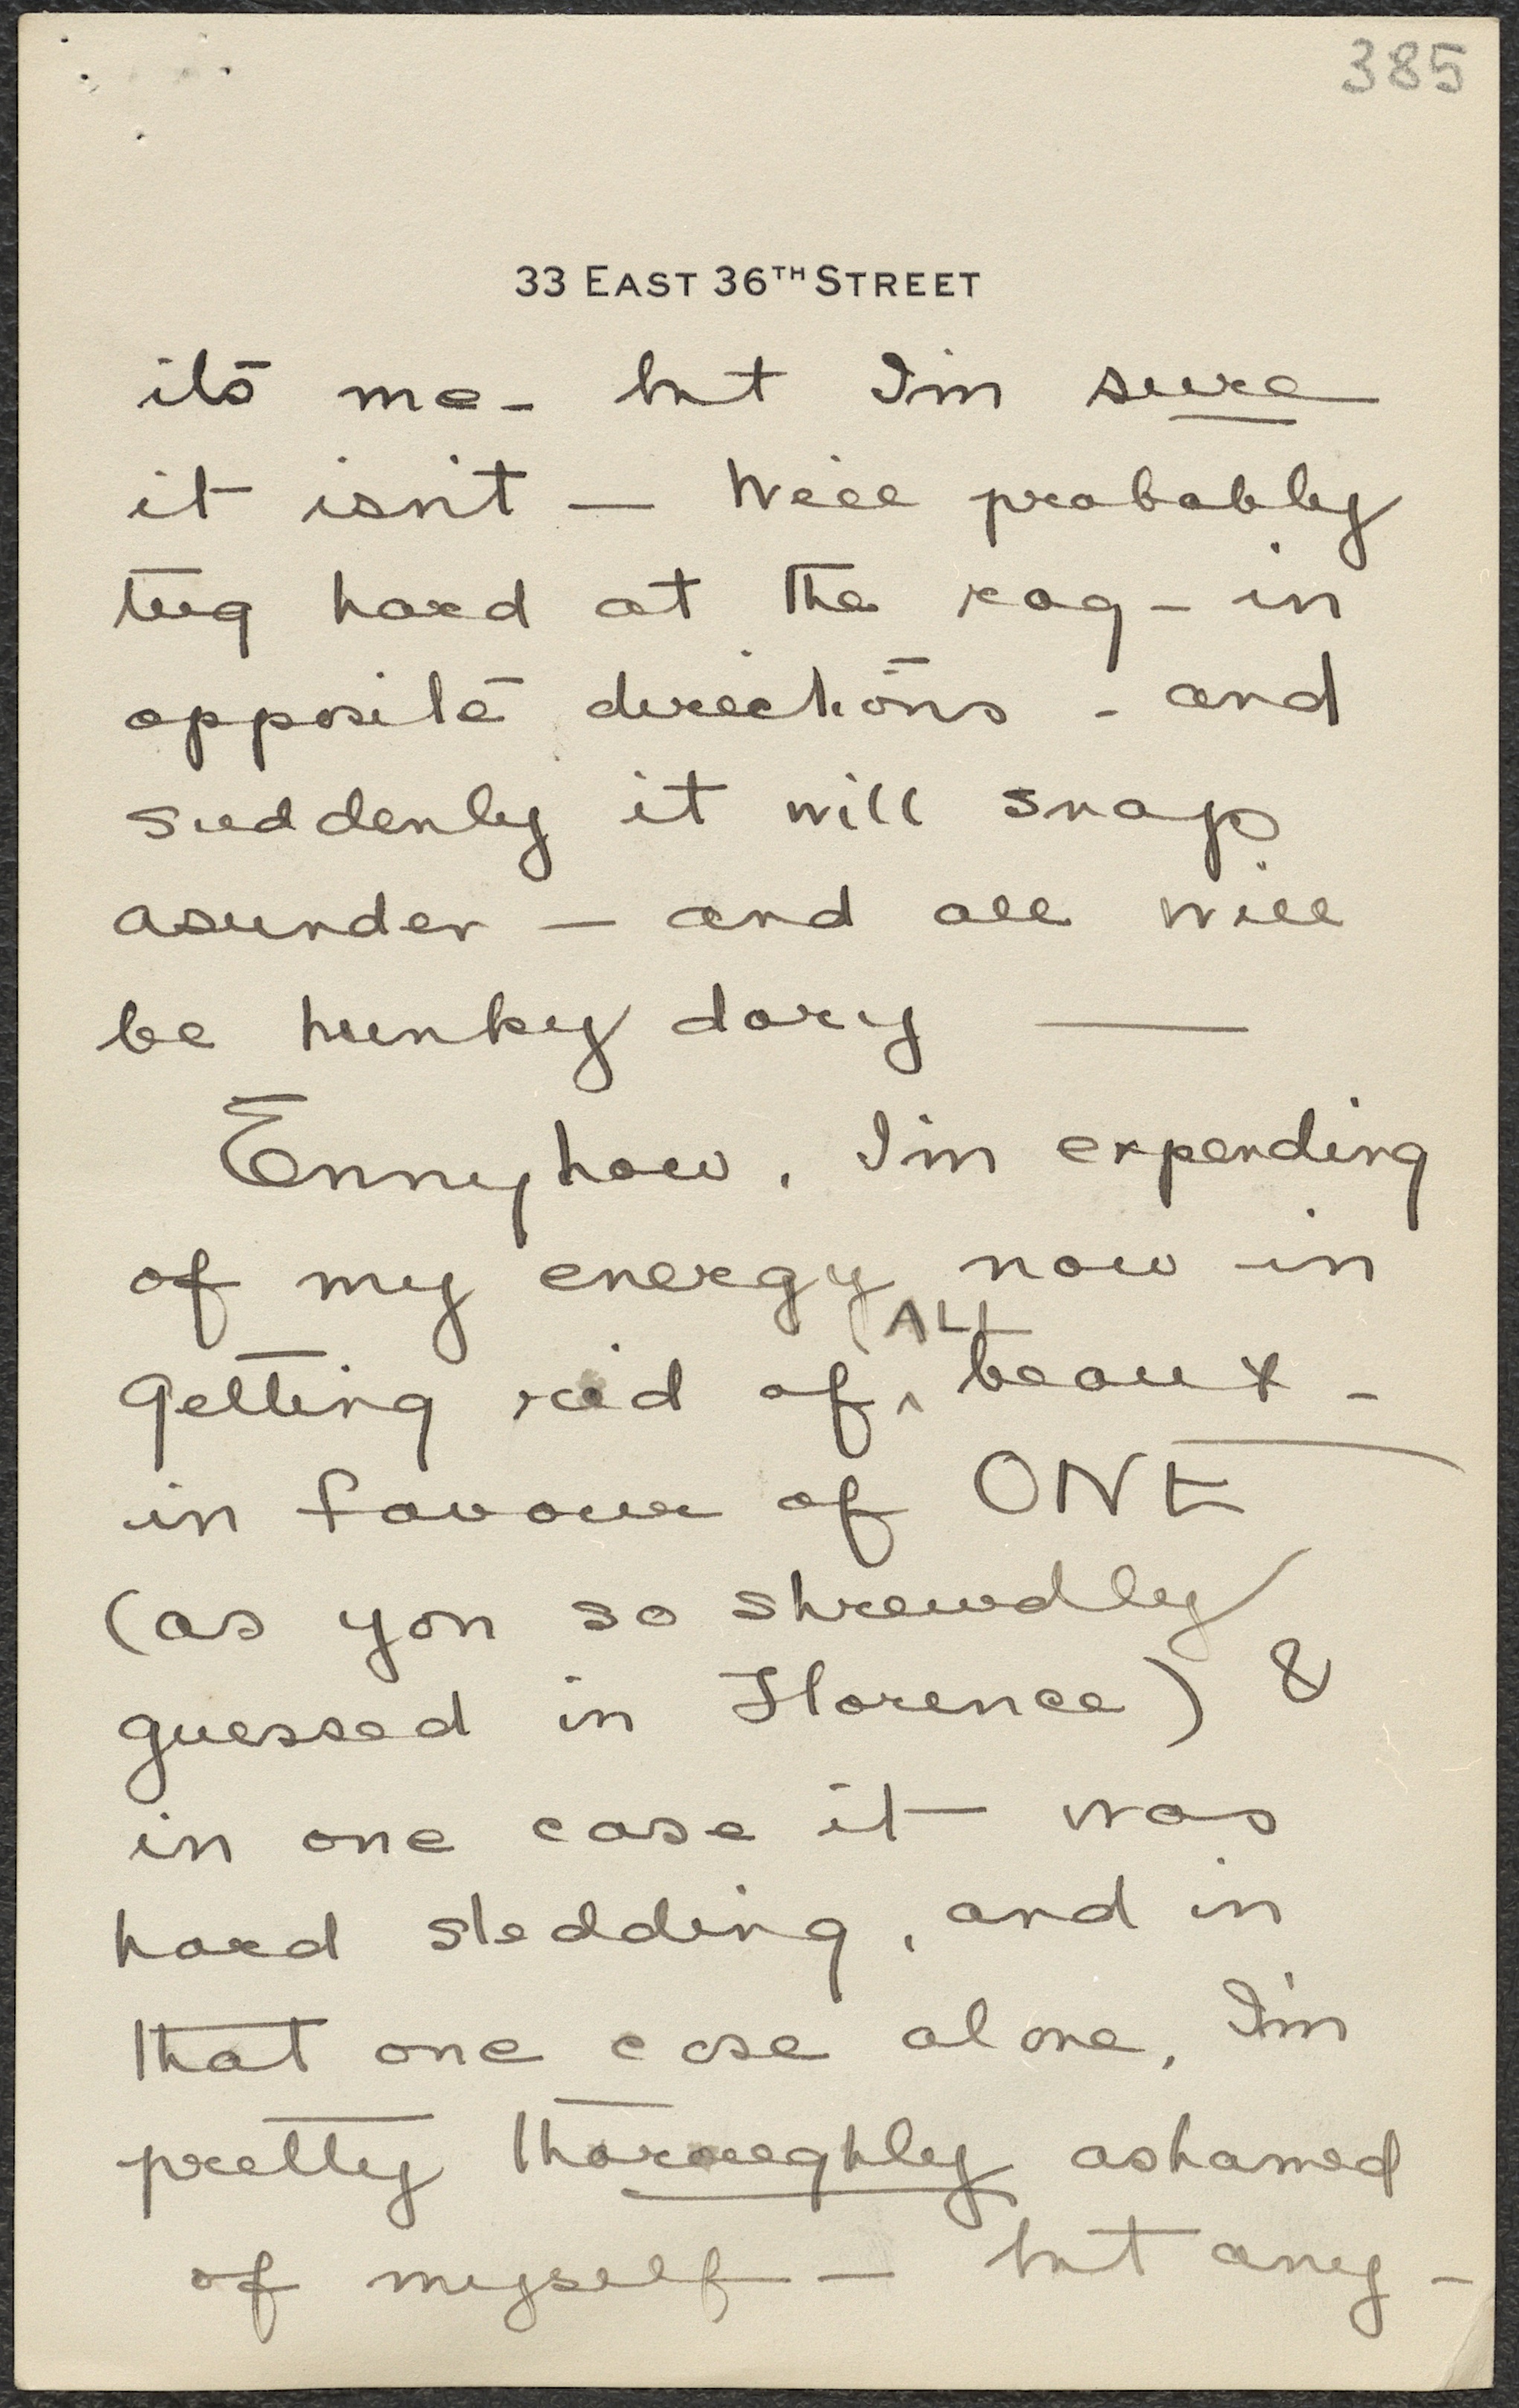its [sic] me – but I’m sure it isn’t – we'll probably tug hard at the rag – in opposite directions – and suddenly it will snap asunder – and all will be hunky dory –
Ennyhow, I’m expending of my energy now in getting rid of [^ALL^] beaux – in favour of ONE (as you so shrewdly guessed in Florence) & in one case it was hard sledding, and in that one case alone, I’m pretty thoroughly ashamed of myself – but anyway